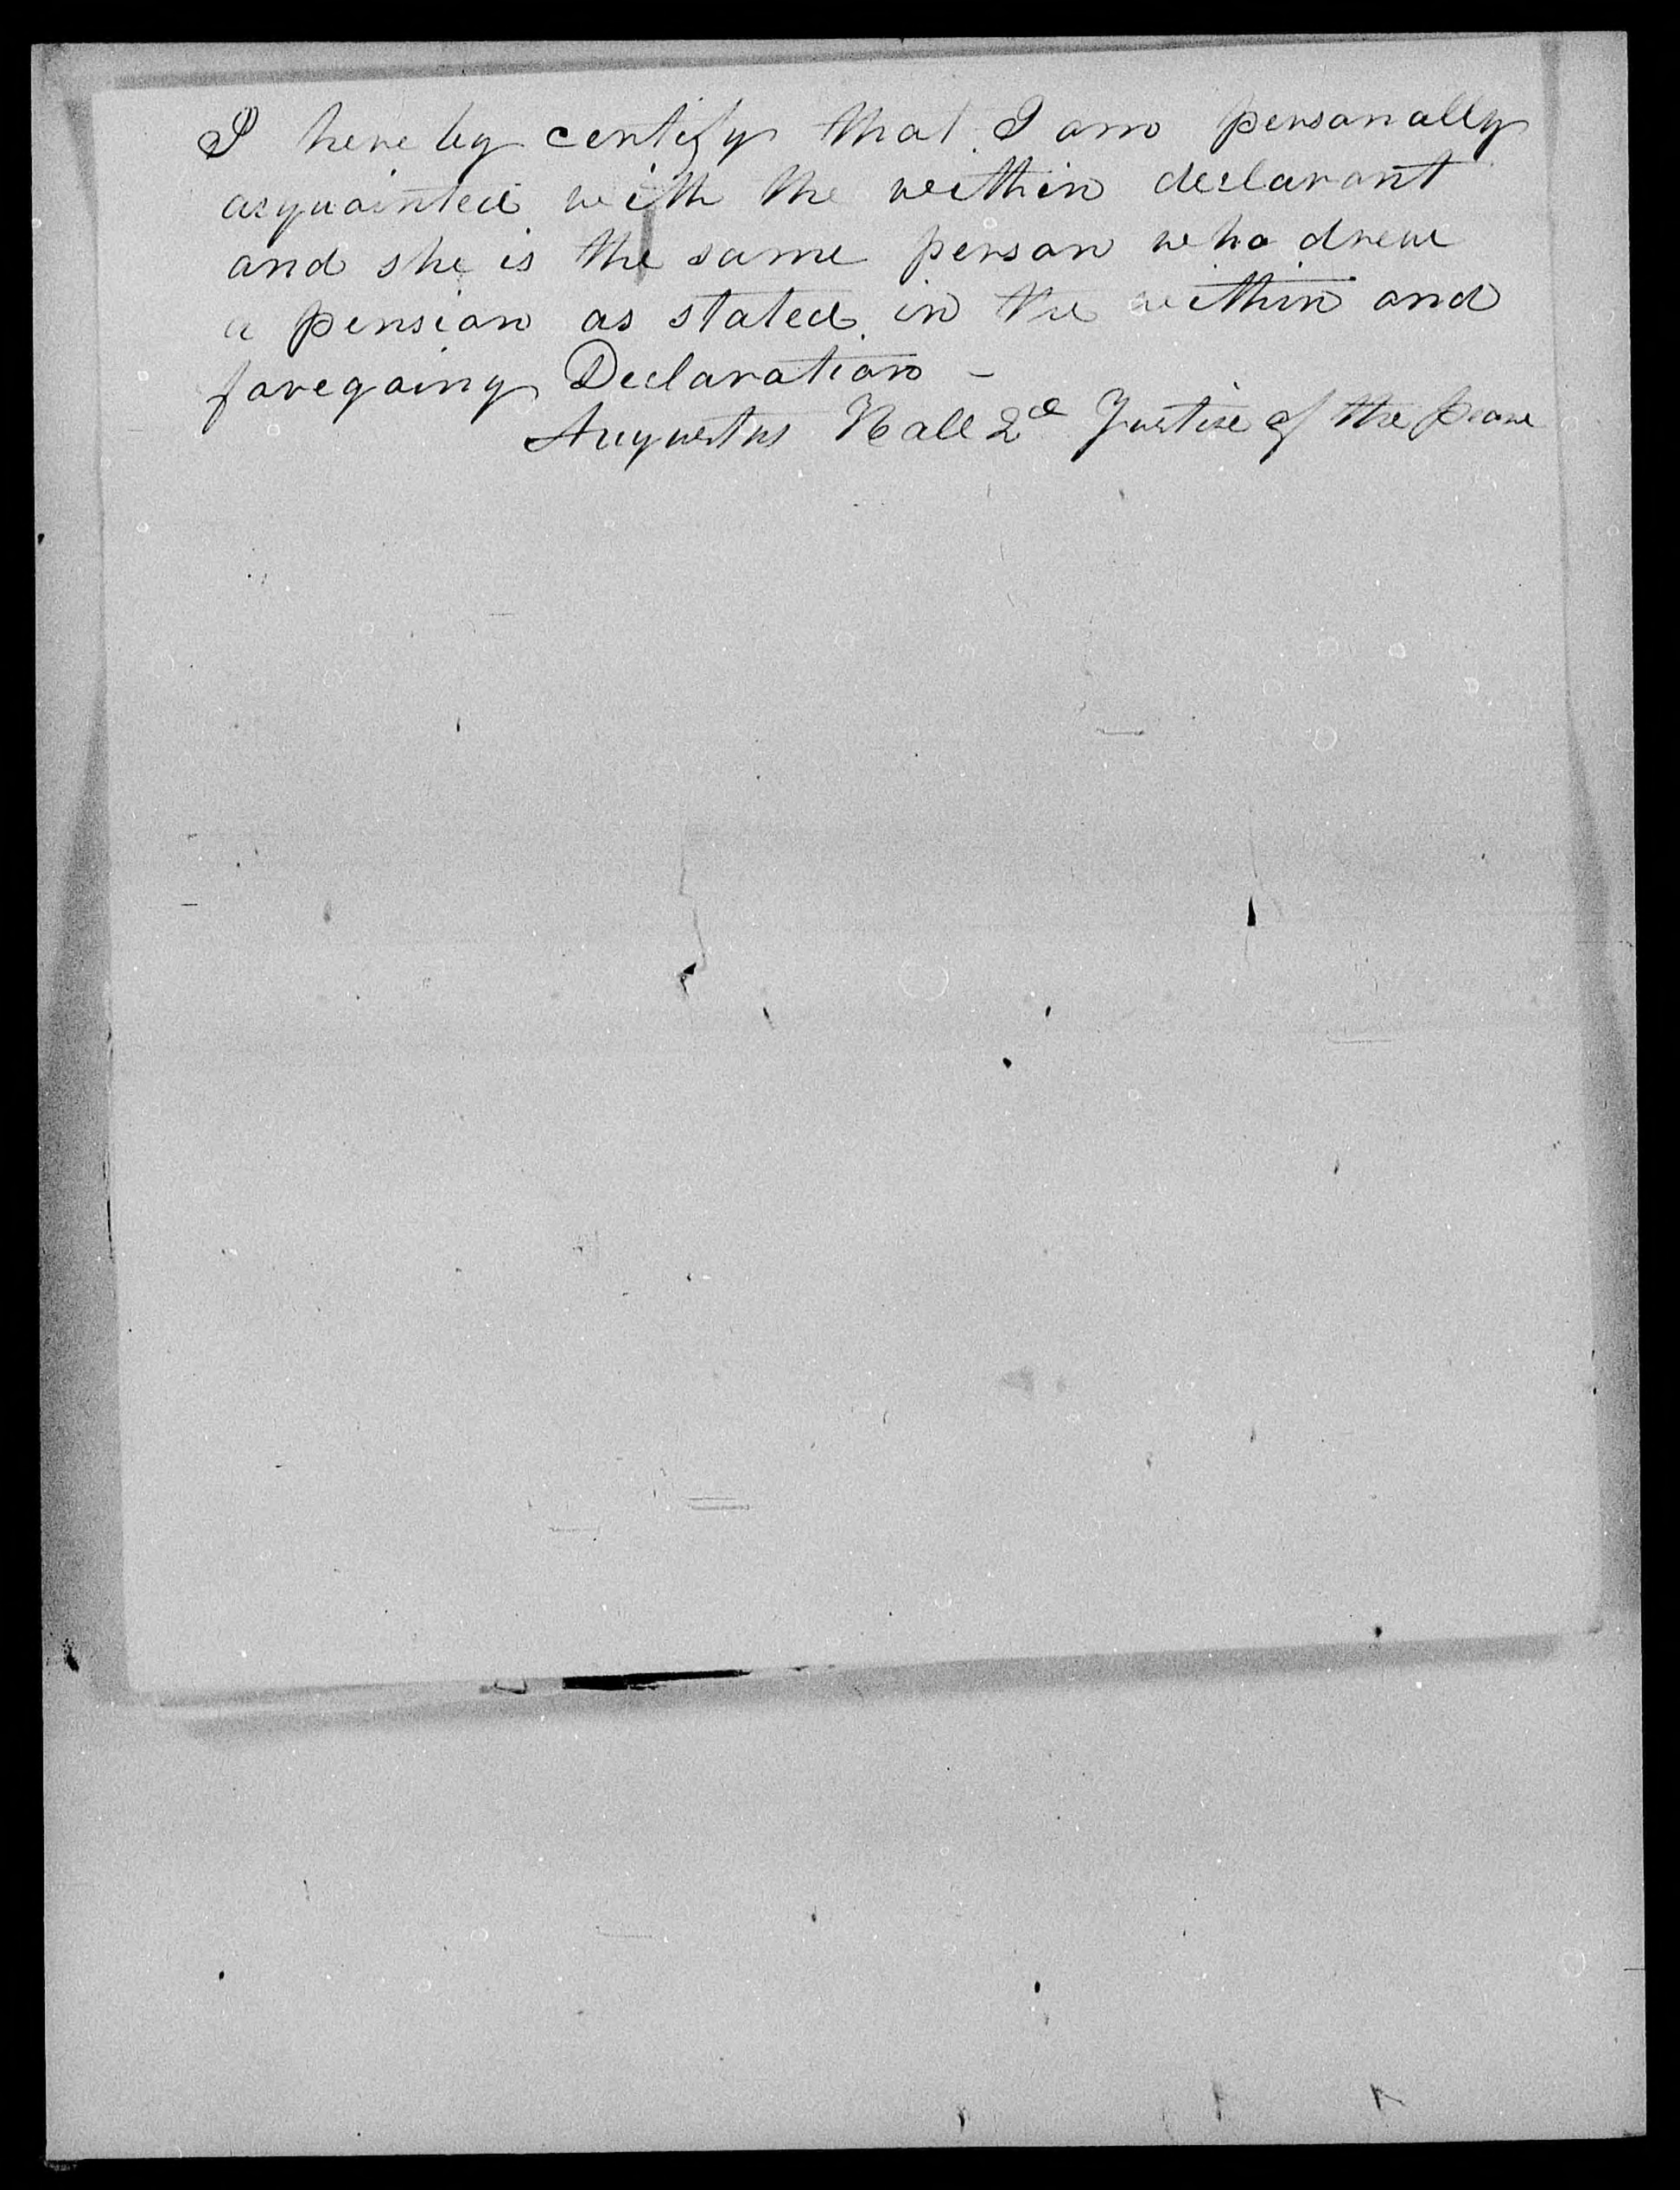I hereby certify that I am personally acquainted with the within declarant and she is the same person who drew a pension as stated in the within and foregoing Declaration - 

Augustus Hall 2d  Justice of the Peace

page: 42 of 47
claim: widow's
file: W. 17879, for Seth Strong, Connecticut